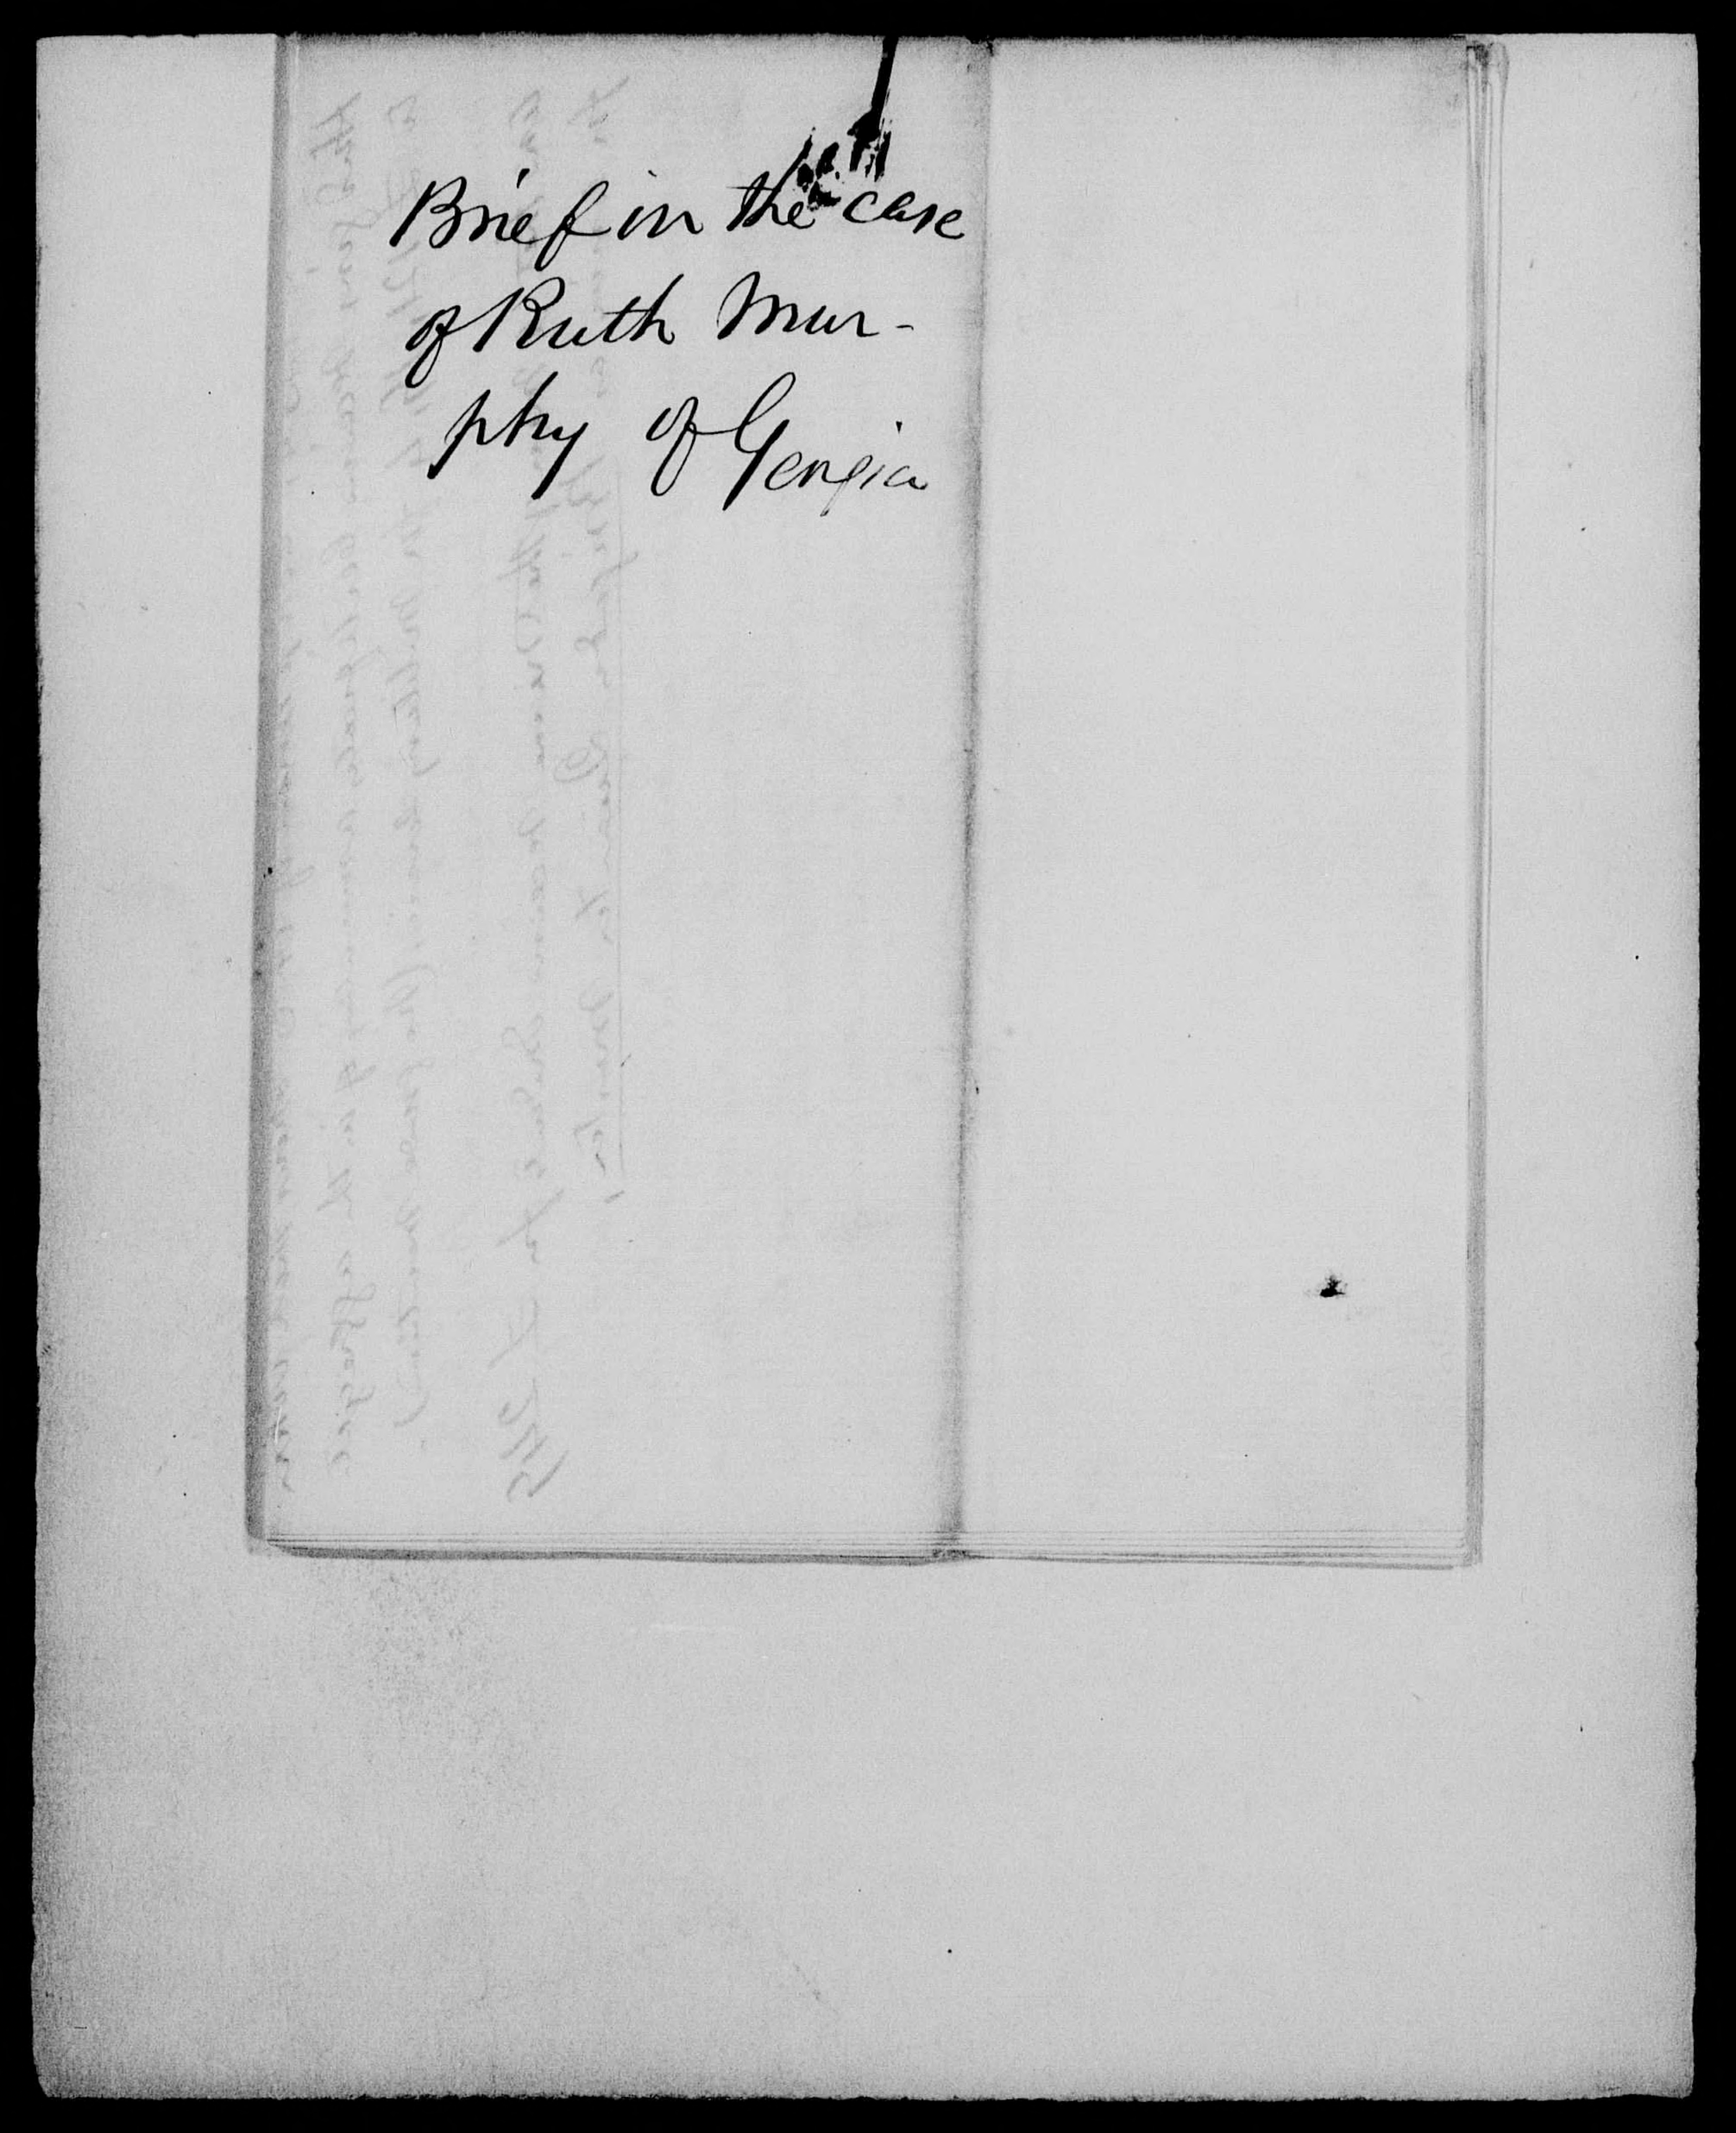Brief in the care of
Ruth Murphy of Georgia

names: Ruth Murphy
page: 50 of 108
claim: rejected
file: R. 7,515, John Hudgins, N.C.